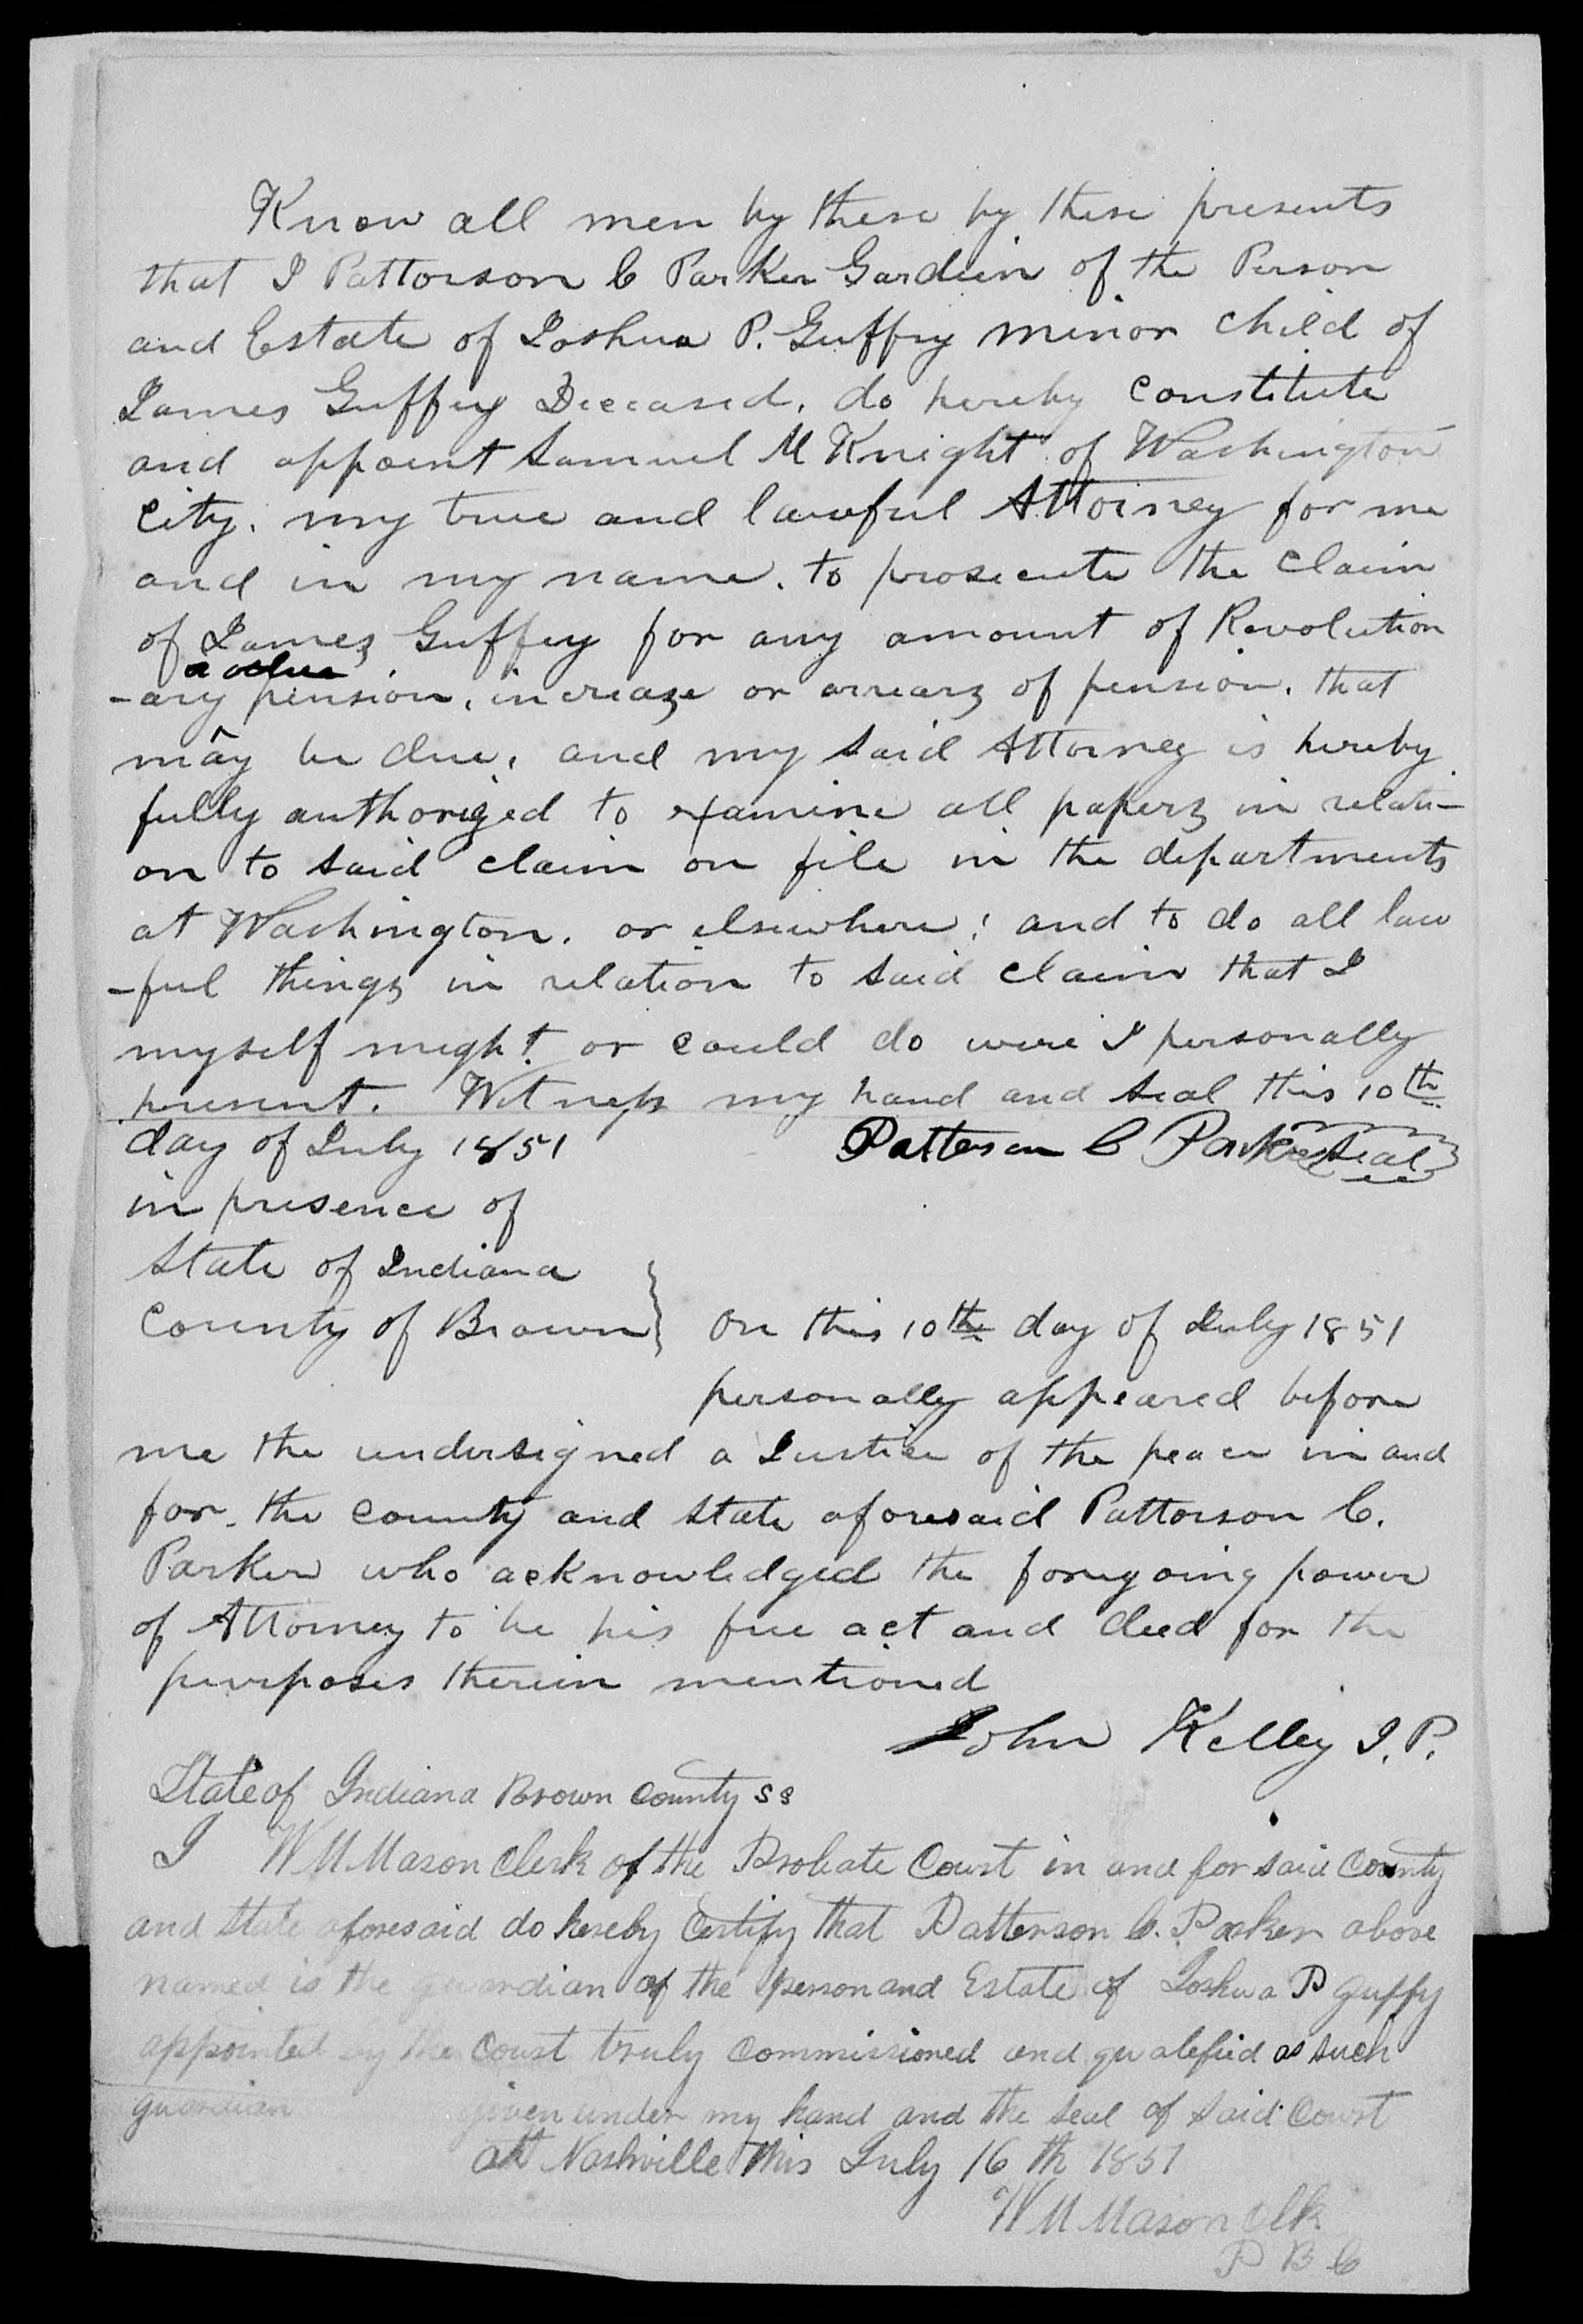Know all men by these by these presents
that I Patterson C Parker Gardien [sic] of the Person
and Estate of Joshua P. Guffey minor child of
James Guffey Deceased, do hereby constitute
and appoint Samuel M Knight of Washington
City my true and lawful Attorney for me and in my name to prosecute the claim of James Guffey for any amount of Revolutionary or other pension, increase or arrears of pension, that may be due, and my said Attorney is hereby fully authorized to examine all papers in relation to said claim on file in the departments at Washington or elsewhere; and to do all lawful things in relation to said claim that I myself might or could do were I personally present. Witness my hand and seal this 10th day of July 1851
Patterson C Parker
in presence of
[seal]

State of Indiana   }
County of Brown }
On this 10th day of July 1851 personally appeared before me the undersigned a Justice of the peace in and for the County and State aforesaid Patterson C. Parker who acknowledged the foregoing power of Attorney to be his free act and deed for the
purposes therein mentioned
John Kelley J. P.

State of Indiana Brown County SS
I W. M. Mason Clerk of the Probate Court in and for said County and State aforesaid do hereby certify that Patterson C. Parker above
named is the guardian of the person and Estate of Joshua P Guffy appointed by the court truly commissioned and qualified as such guardian
Given under my hand and the seal of said Court at Nashville this July 16th 1851
W Mason Clk
P B C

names: Samuel M Knight, Joshua P Guffey, Patterson C Parker, James Guffey, Joshua P Guffy, W M Mason, Patterson C Parker, Patterson C Parker, John Kelley, Patterson C Parker, W M Mason, James Guffey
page: 15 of 36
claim: survivor's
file: S. 31,718, James Guffey, Penn.